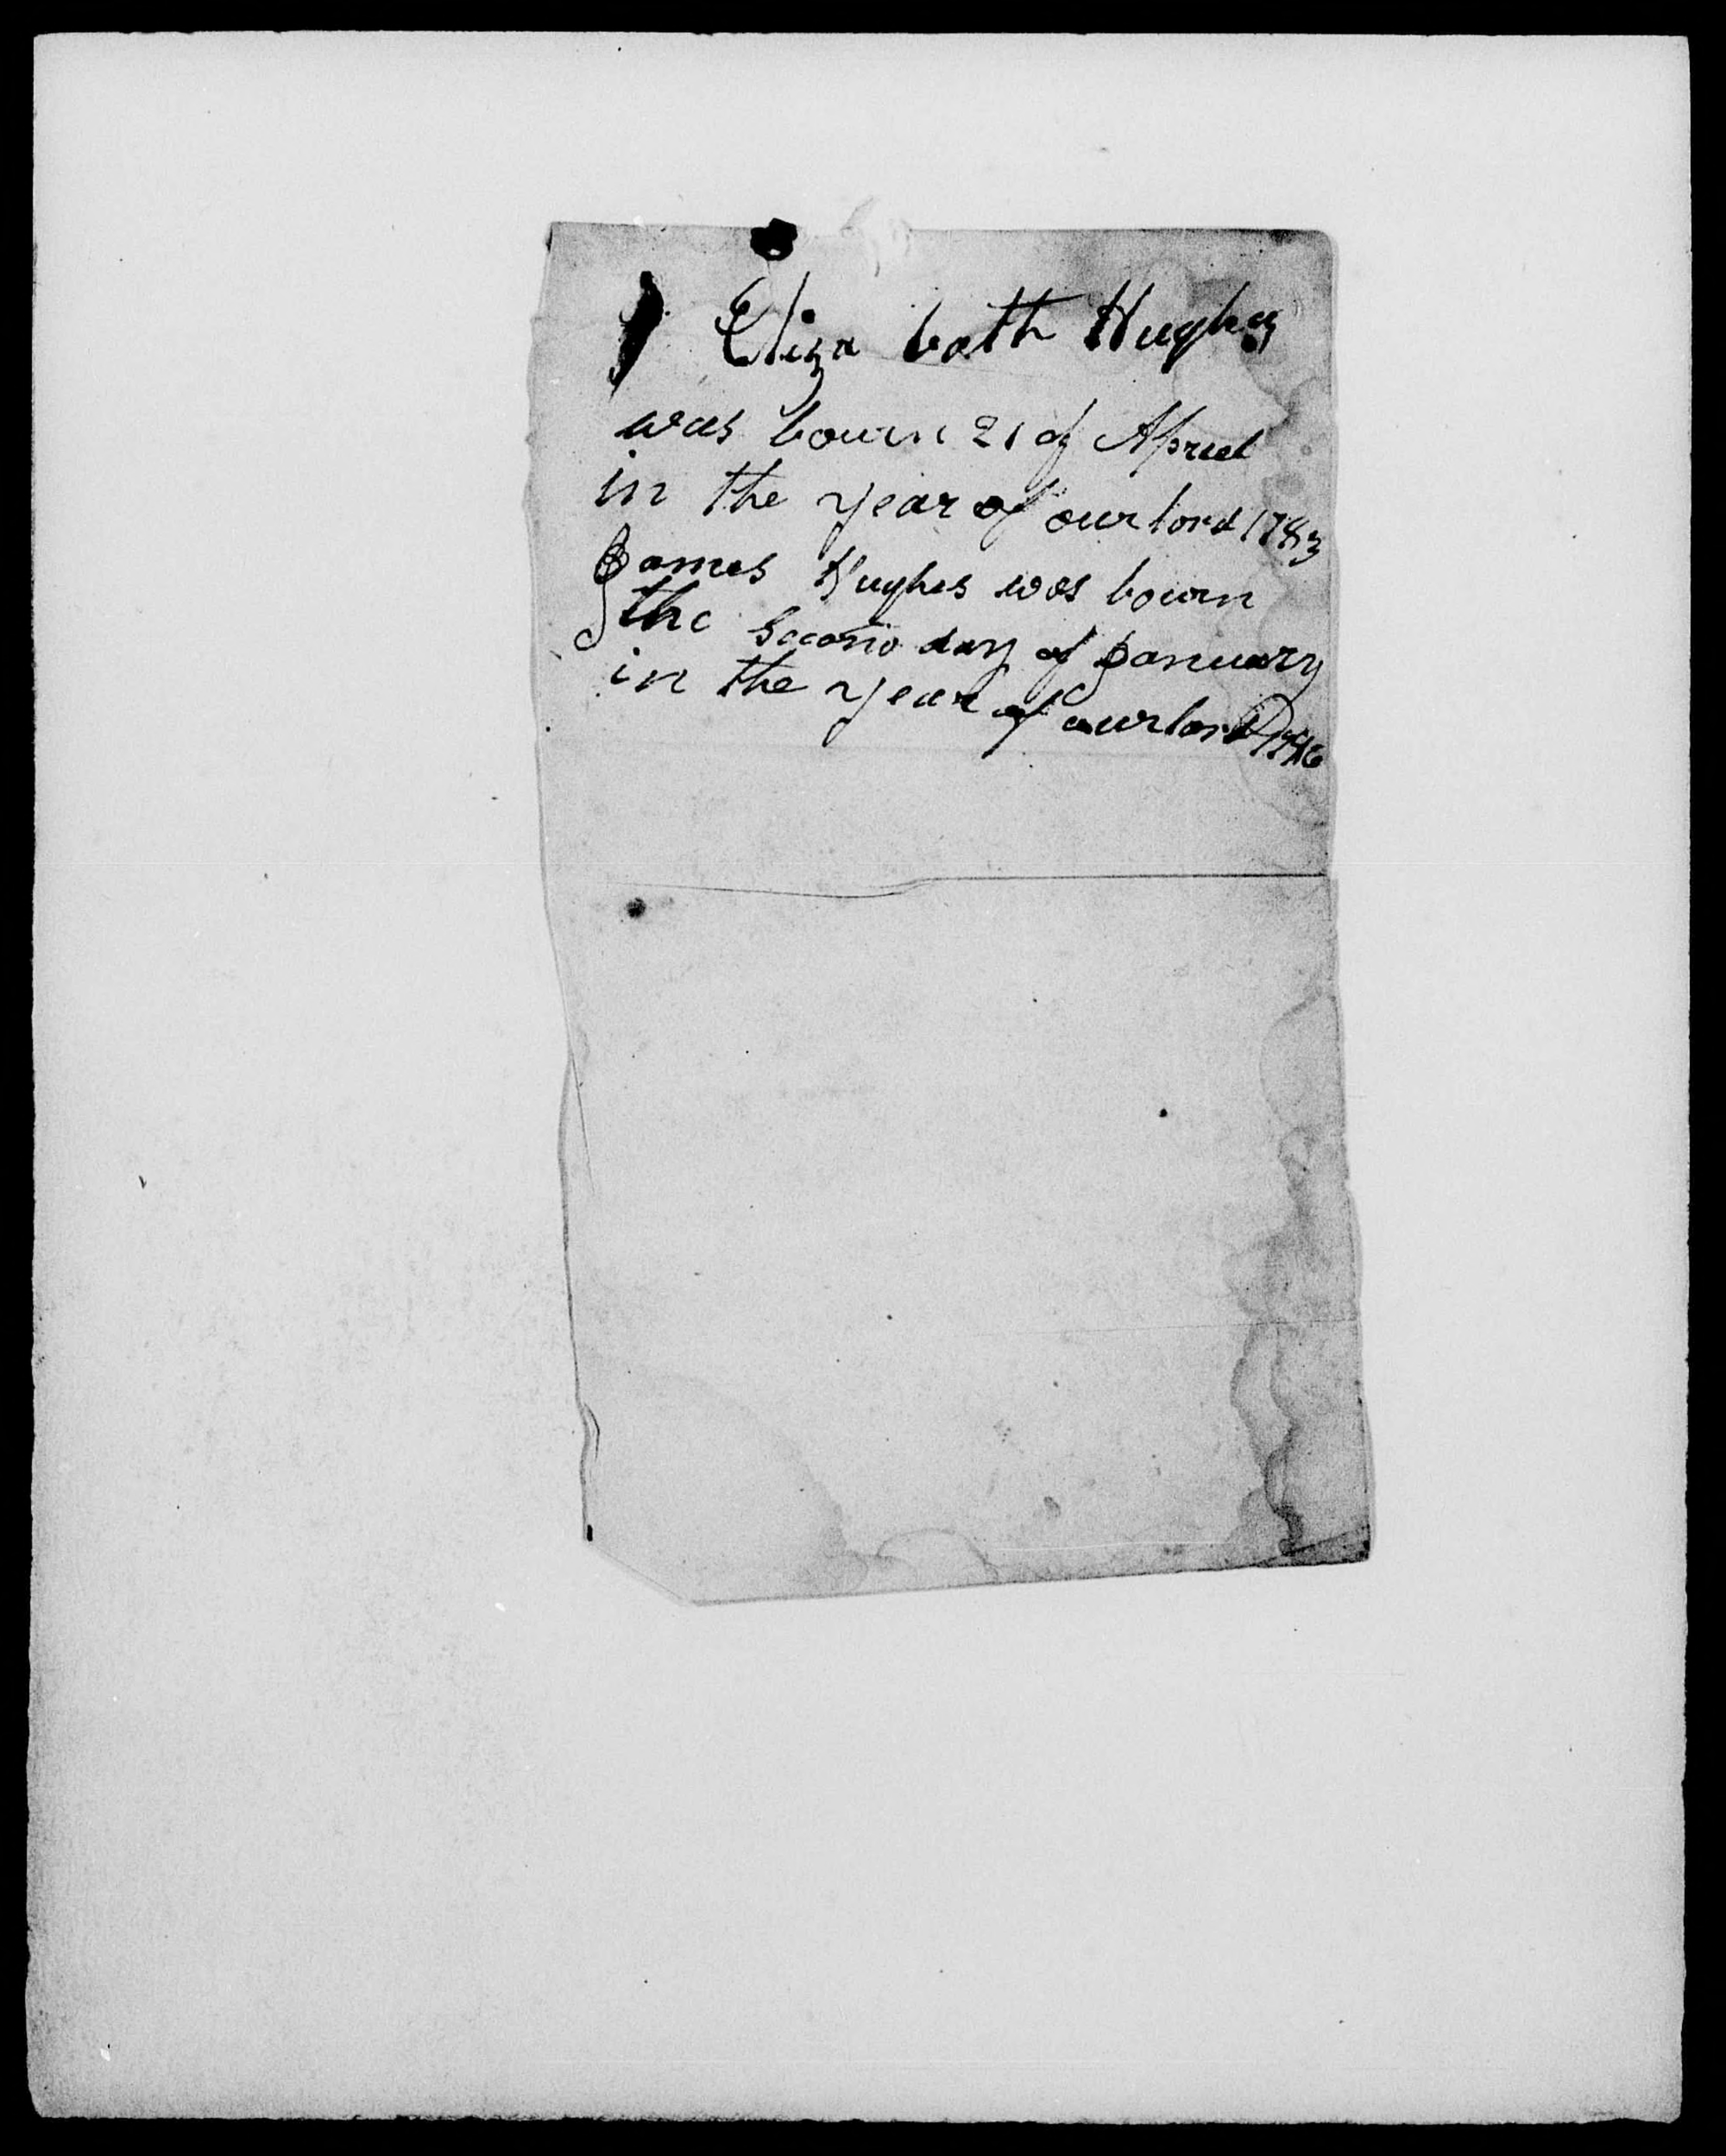Elizabeth Hughes was born 21 of March in the year of our Lord 1783 
James Hughes was born the second day of January in the year of our Lord 1786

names: Elizabath Hughes, James Hughes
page: 6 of 24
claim: rejected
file: R. 5342, James Hues, N.C.